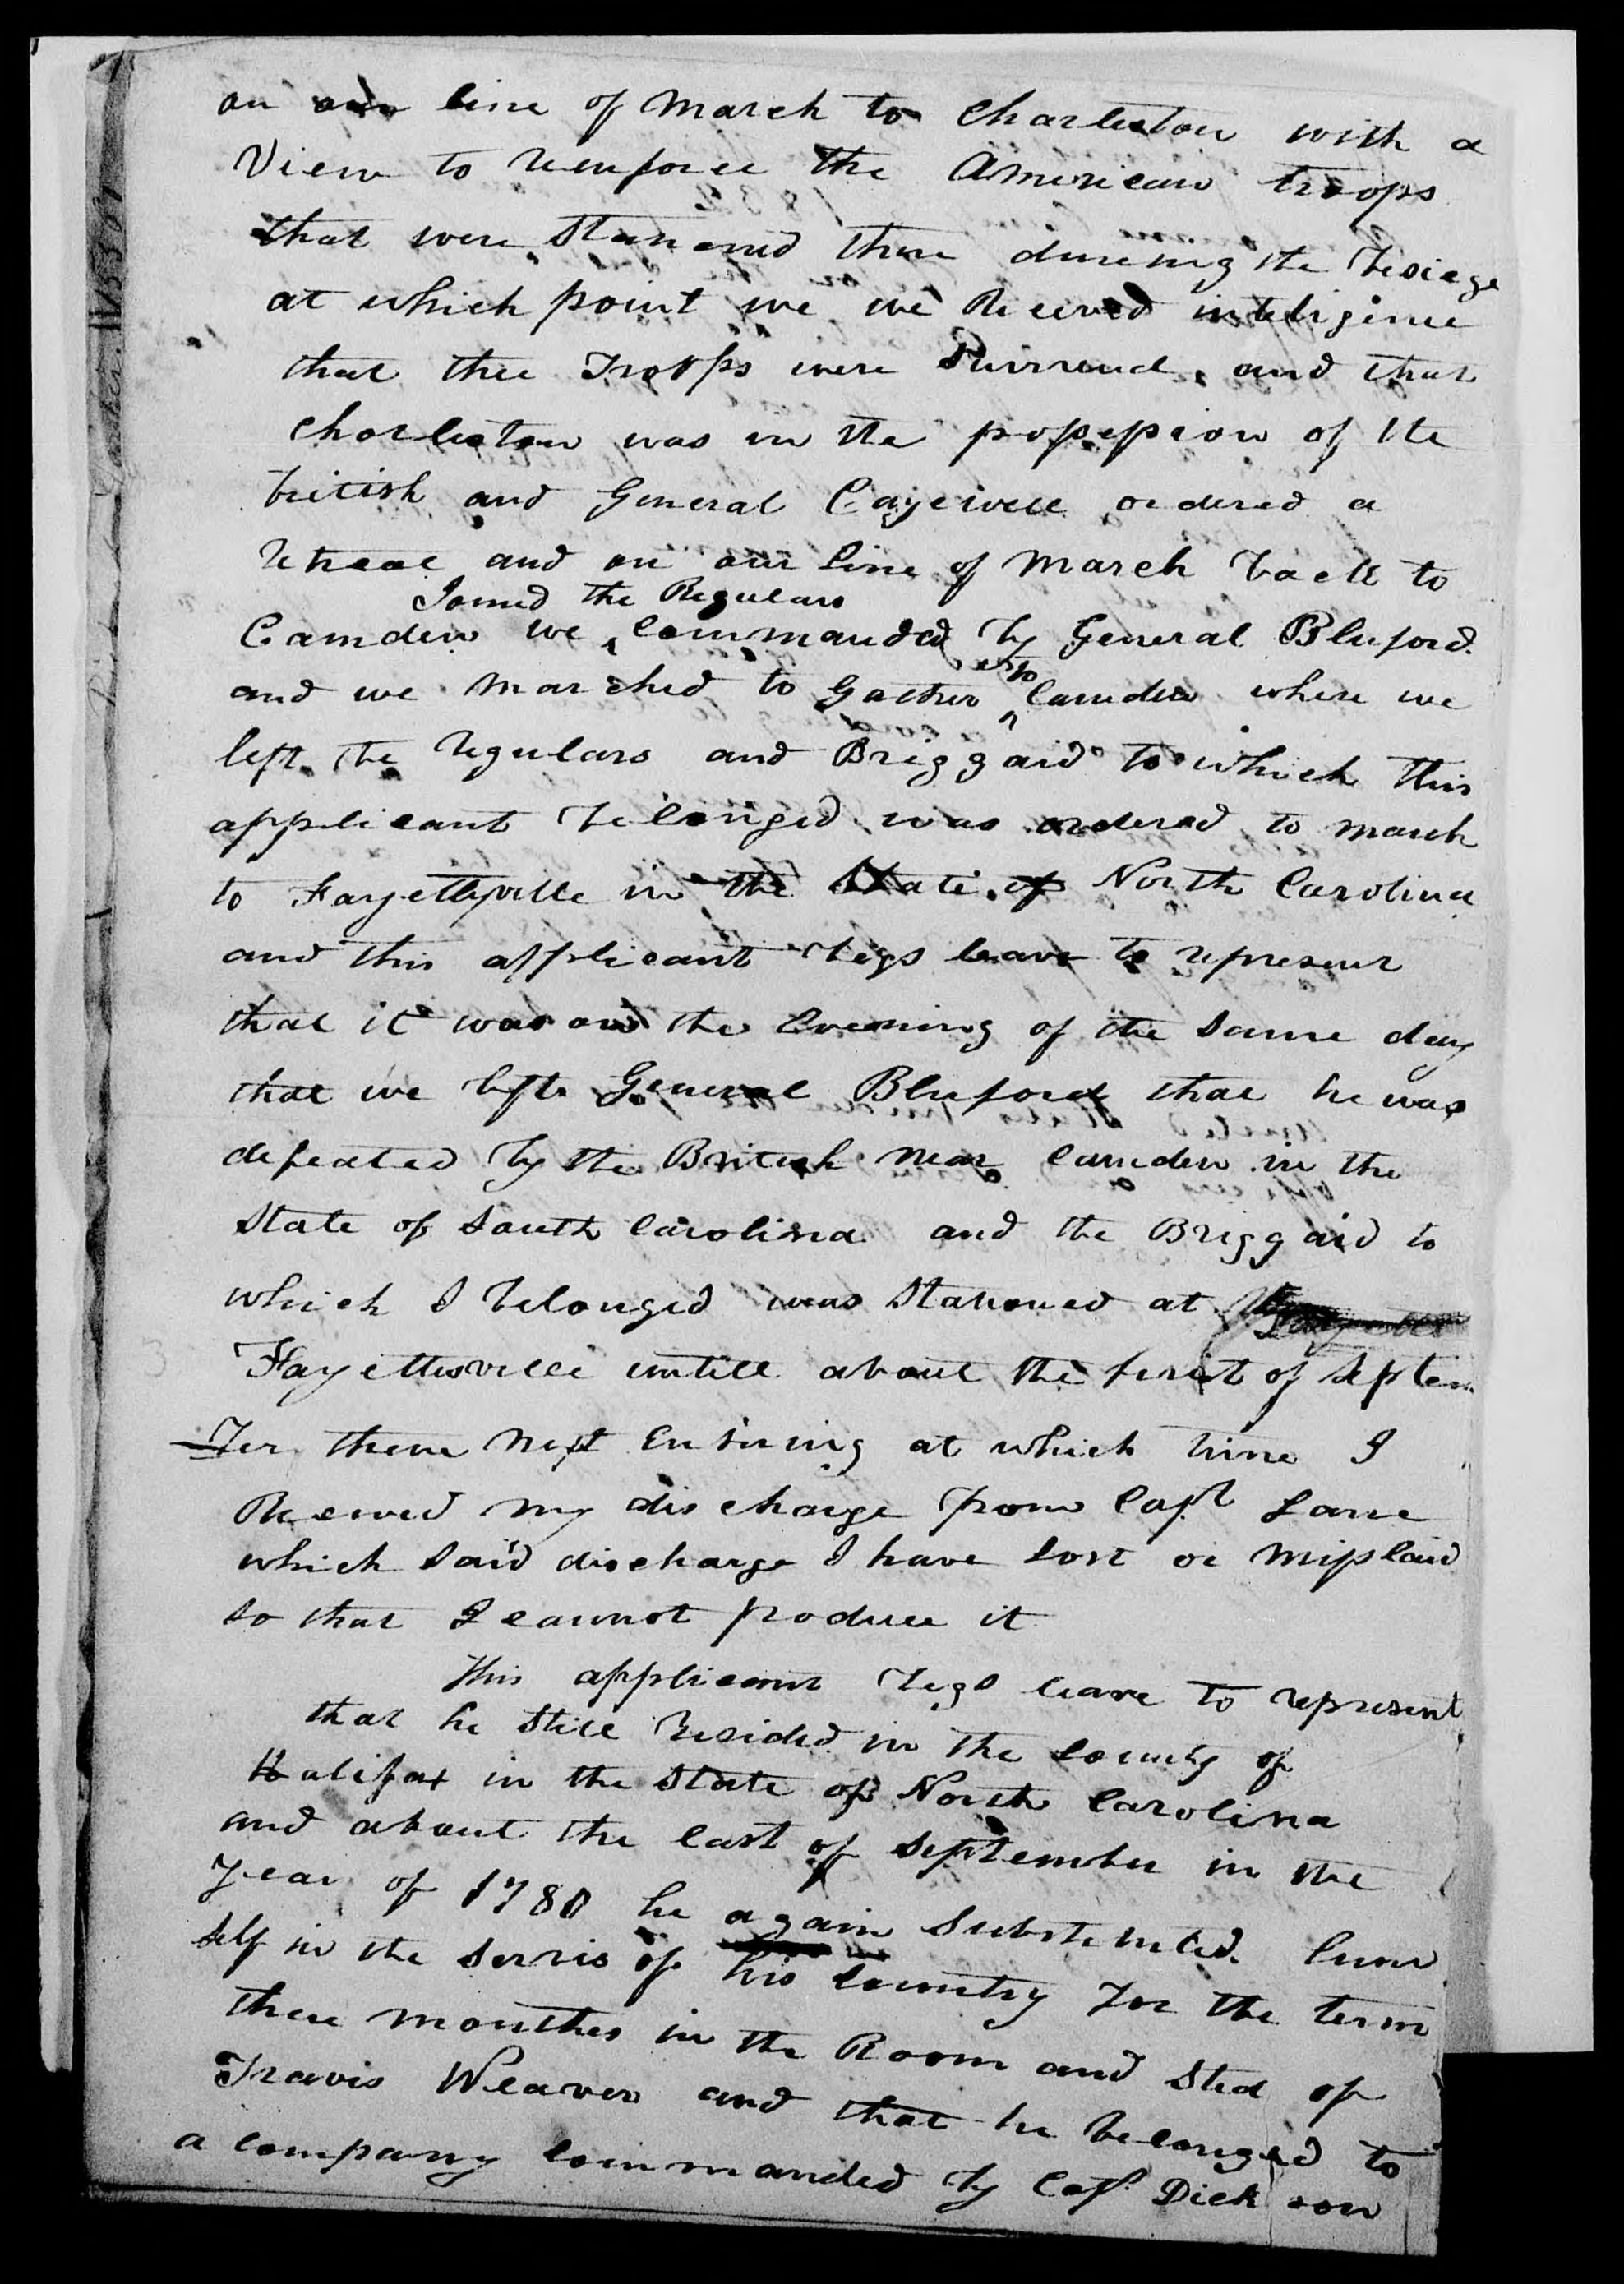on our line of march to Charleston with a view to reinforce the American troops that were stranded there during the besiege at which point we received intelligence that three Troops were surrounded and that Charleston was in the posesion of the british and General Cagewell ordered a retreat and on our line of march back to Camden we (Joined the Regulars) commanded by General Bluford and we marched to gather to Camden where we left the Regulars Briggaid to which this applicant belonged was ordered to march to  Fayetteville in the State of North Carolina and this applicant begs leave to represent that it was on the evening of the same day that we left General Bluford that he was defeated by the British near Camden in the State of South Carolina and the Briggaid to which I belonged was stationed at Fayetteville until about the first of September there next evening at which time I Received my discharge I have lost or mislain so that I cannot produce it. 
This applicant begs leave to represent that he still resided in the County of Halifax in the State of North Carolina and about the last of September in the year of 1780 he again substituted him self in the Service of his Country for the term three months in the Room and Sted of Travis Weaver and that he belonged to a company commanded by Capt. Dickson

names: Bluford, Dickson, Bluford, Lane, Cagewell, Travis Weaver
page: 4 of 81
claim: survivor's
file: S. 1908, Richard Harper, N.C.